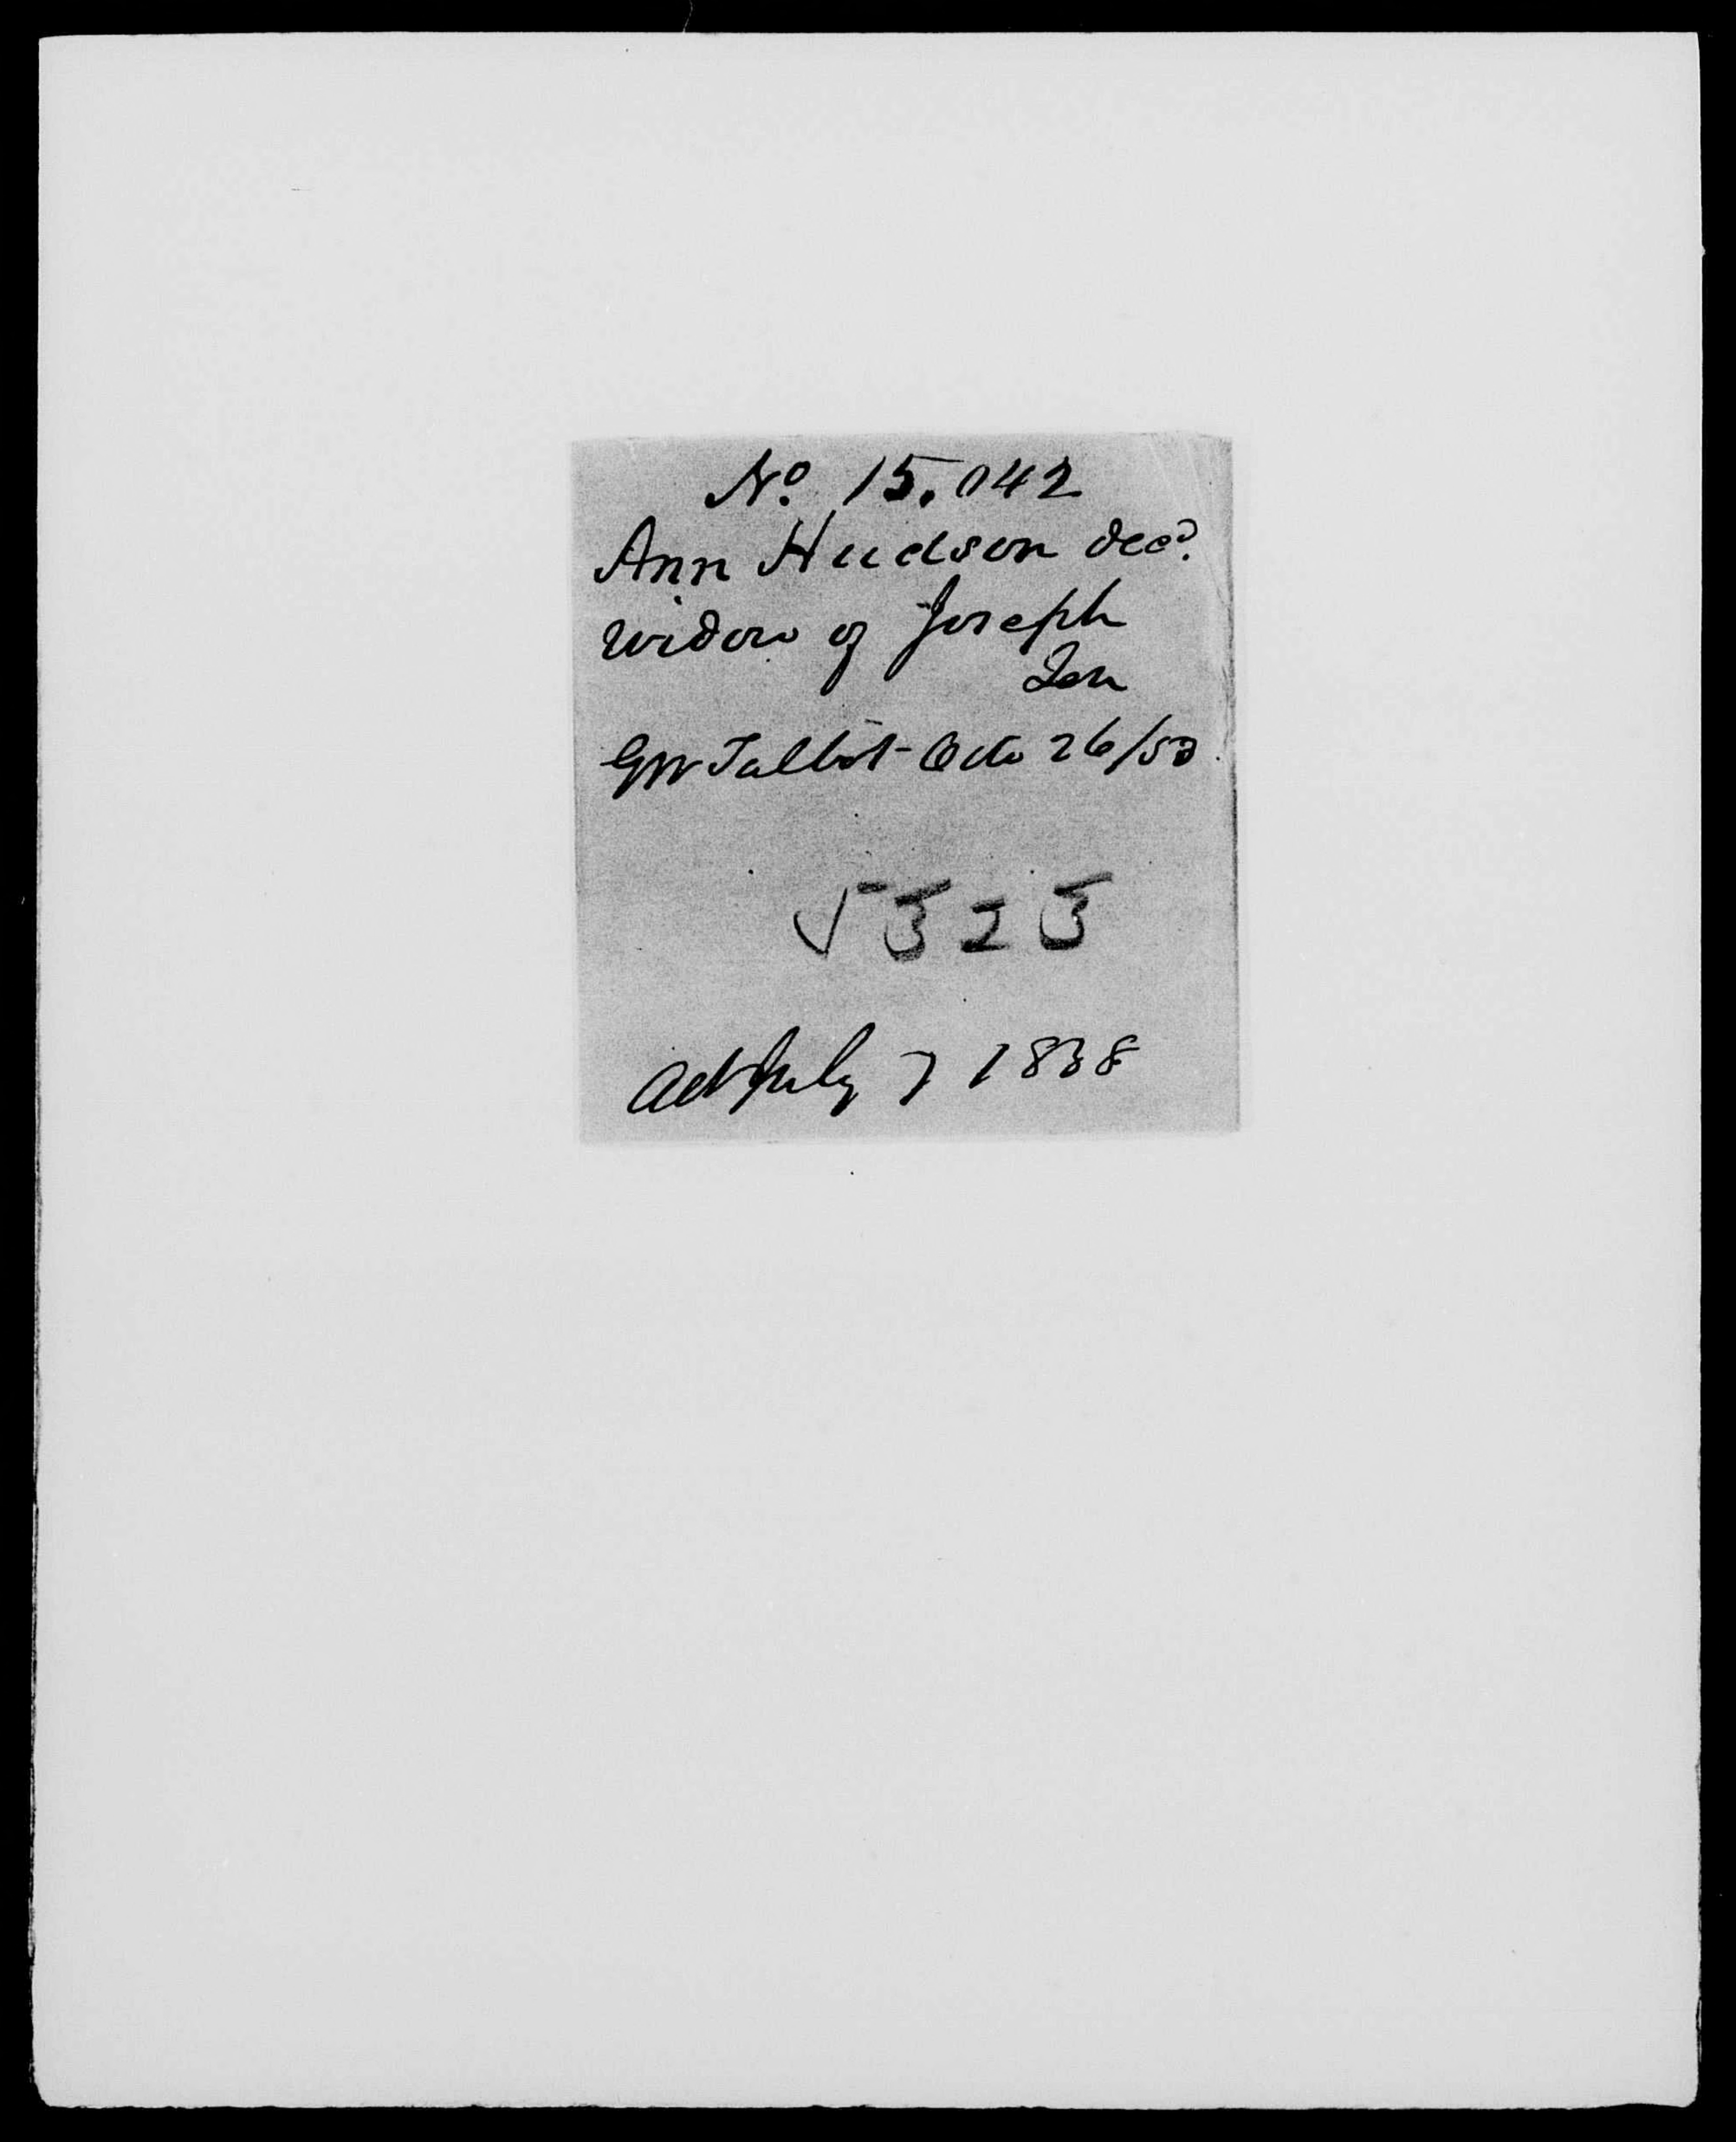No. 15,042
Ann Hudson reo?
widow of Joseph 

M Talbot- GW 26/50

5323

??July 7 1888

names: Joseph Hudson, G W Talbot, Ann Hudson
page: 2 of 7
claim: rejected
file: R. 5325, Joseph Hudson, Va.